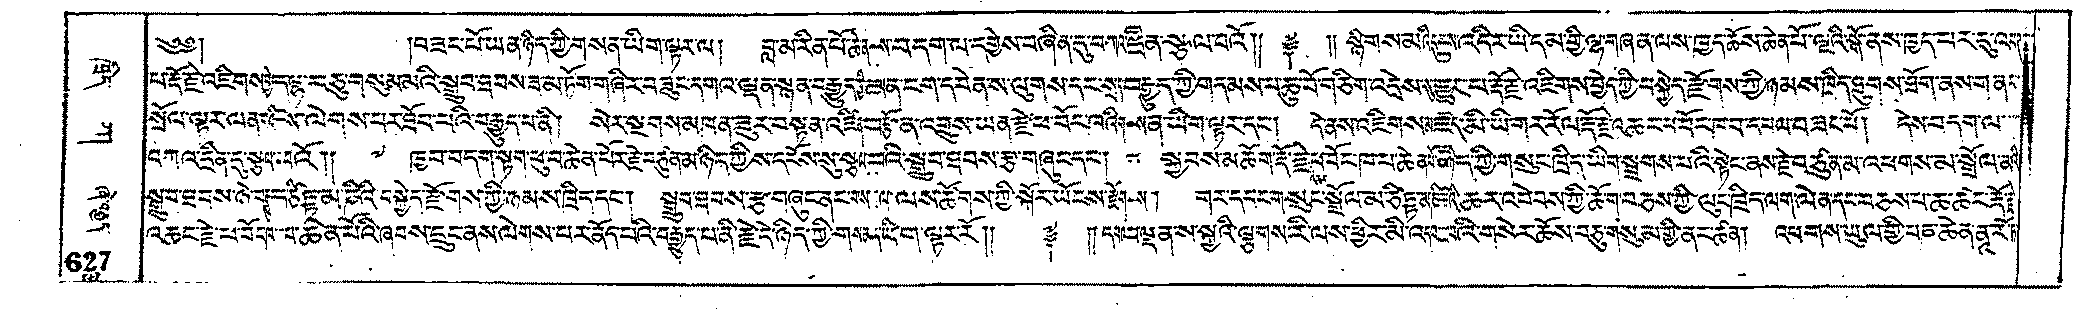༄༅། །བཟང་པོ་ཡན་ཉིད་ཀྱི་གསན་ཡིག་ལྟར་ལ། བླ་མ་རིན་པོ་ཆེ་ནས་བདག་ལ་དགྱེས་བཞིན་དུ་བཀའ་དྲིན་སྩལ་བའོ།། འ་།།སྙིགས་མའི་དུས་འདིར་ཡི་དམ་གྱི་ལྷ་གཞན་ལས་ཁྱད་ཆོས་ཆེན་པོ་ལྔའི་སྒོ་ནས་ཁྱད་པར་དུ་འཕཌ་
པ་རྡོ་རྗེ་འཇིགས་བྱེད་ལྷ་བཅུ་གསུམ་མའི་སྒྲུབ་ཐབས་ཟ་མ་ཏོག་གཞིར་བཟུང་དགའ་ལྡན་སྙན་བརྒྱུད་ཀྱི་མན་ངག་དབེན་ས་ལུགས་དང་སྲད་བརྒྱུད་ཀྱི་གདམས་པ་ཆུ་བོ་གཅིག་འདྲེས་སུ་གྱུར་པ་རྡོ་རྗེ་འཇིགས་བྱེད་ཀྱི་བསྐྱེད་རྫོགས་ཀྱི་ཉམས་ཁྲིད་ཐུགས་ཐོག་ནས་གནང་
སྲོལ་ལྟར་ལན་གཉིས་ལེགས་པར་ཐོབ་པའི་བརྒྱུད་པ་ནི། སེར་སྔགས་མཁན་ཟུར་བསྟན་འཛིན་བརྩོན་འགྲུས་ཡན་རྗེ་ཕ་བོང་ཁའི་གསན་ཡིག་ལྟར་དང་། དེ་ནས་འཇིགས་མཛད་མི་ཡི་གར་རོལ་རྡོ་རྗེ་འཆང་ཕ་བོང་ཁ་པ་དཔལ་བཟང་པོ། དེས་བདག་ལ་
བཀའ་དྲིན་དུ་སྩལ་བའོ།། ༧་ཁྱབ་བདག་སྟག་ཕུ་བ་ཆེན་པོར་རྗེ་བཙུན་མ་ཉིད་ཀྱིས་དངོས་སུ་སྩལ་བའི་སྒྲུབ་ཐབས་རྩ་གཞུང་དང་། ༧་སྐྱབས་མཆོག་རྡོ་རྗེ་འཆང་ཕ་བོང་ཁ་པ་ཆེན་པོ་ཉིད་ཀྱི་གསུང་ཁྲིད་ཡིག་སྦྲགས་པའི་སྟེང་ནས་རྗེ་བཙུན་མ་འཕགས་མ་སྒྲོལ་མའི་
སྒྲུབ་ཐབས་ཉེ་བརྒྱུད་ཙིཏྟ་མ་ཎིའི་བསྐྱེད་རྫོགས་ཀྱི་ཉམས་ཁྲིད་དང་། སྒྲུབ་ཐབས་རྩ་གཞུང་ནང་གསལ་ལས་ཚོགས་ཀྱི་སྐོར་ཡོངས་རྫོགས། གར་དབང་གསུང་སྒྲོལ་མ་ཙིཏྟ་མ་ཎིའི་ཆར་འབེབས་ཀྱི་ཆོ་ག་བཅས་ཀྱི་ལུང་ཁྲིད་ལག་ལེན་དང་བཅས་པ་ཆ་ཚང་རྡོ་རྗེ་
འཆང་རྗེ་ཕ་བོང་ཁ་པ་ཆེན་པོའི་ཞབས་དྲུང་ནས་ལེགས་པར་ནོད་པའི་བརྒྱུད་པ་ནི་རྗེ་དེ་ཉིད་ཀྱི་གསན་ཡིག་ལྟར་རོ།། འ་།།དཔལ་ལྡན་ས་སྐྱའི་ལྕགས་རི་ལས་ཕྱིར་མི་འདའ་བའི་གསེར་ཆོས་བཅུ་གསུམ་གྱི་ནང་ཚན། འཕགས་ཡུལ་གྱི་པཎ་ཆེན་ནཱ་རོ་ཏ་